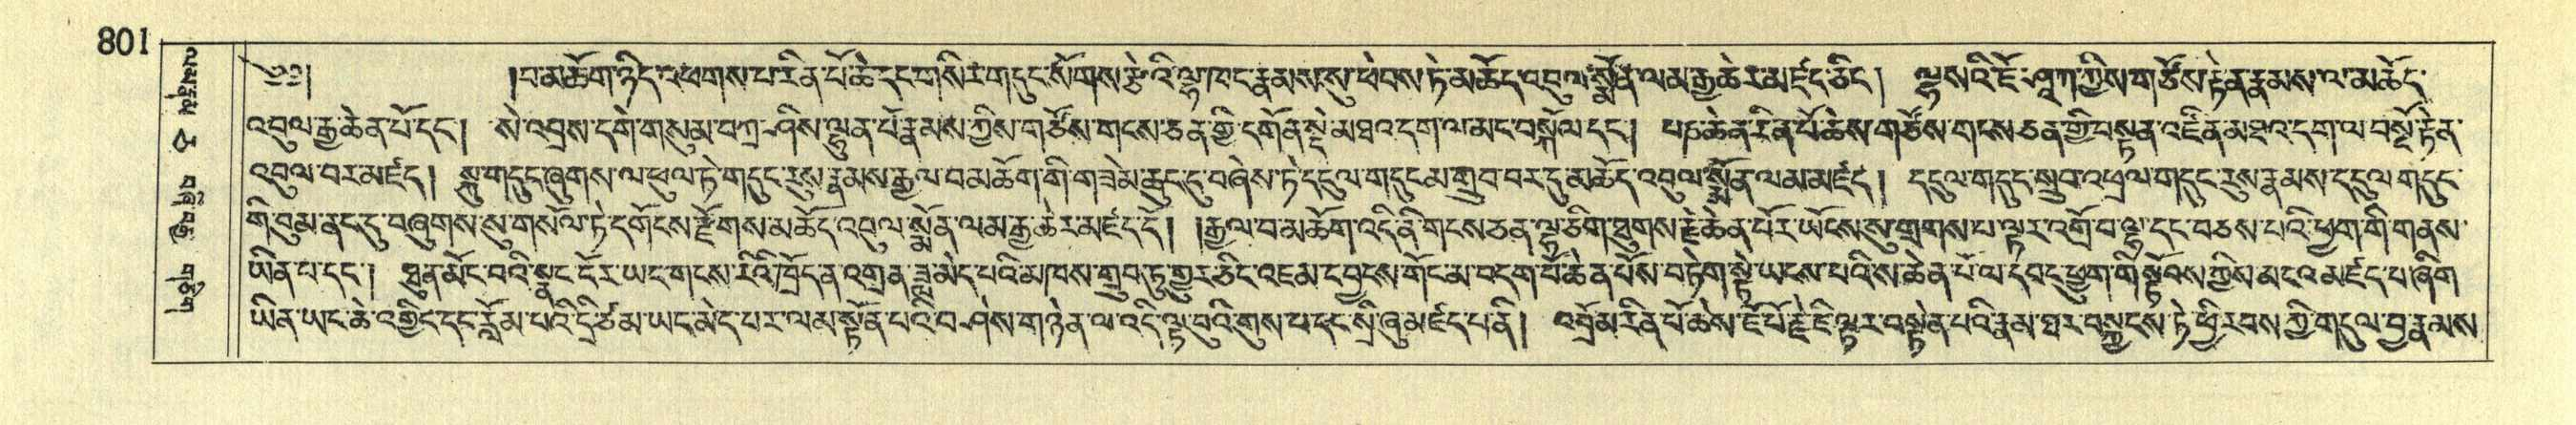༄༅། །པ་མཆོག་ཉིད་འཕགས་པ་རིན་པོ་ཆེ་དང་གསིར་གདུང་སོགས་རྩེའི་ལྷ་ཁང་རྣམས་སུ་ཕེབས་ཏེ་མཆོད་འབུལ་སྨོན་ལམ་རྒྱ་ཆེར་མཛད་ཅིང་། ལྷ་སའི་ཇོ་ཤཱཀ་ཀྱིས་གཙོས་རྟེན་རྣམས་ལ་མཆོད་
འབུལ་རྒྱ་ཆེན་པོ་དང་། སེ་འབྲས་དགེ་གསུམ་བཀྲ་ཤིས་ལྷུན་པོ་རྣམས་ཀྱིས་གཙོས་གངས་ཅན་གྱི་དགོན་སྡེ་མཐའ་དག་ལ་མང་བསྐོལ་དང་། པཎ་ཆེན་རིན་པོ་ཆེས་གཙོས་གངས་ཅན་གྱི་བསྟན་འཛིན་མཐའ་དག་ལ་བསྔོ་རྟེན་
འབུལ་བར་མཛད། སྐུ་གདུང་ཞུགས་ལ་ཕུལ་ཏེ་གདུང་རུས་རྣམས་རྒྱལ་བ་མཆོག་གི་གཟེམ་ཆུང་དུ་བཞེས་ཏེ་དངུལ་གདུང་མ་གྲུབ་བར་དུ་མཆོད་འབུལ་སྨོན་ལམ་མཛད། དངུལ་གདུང་སྲུབ་འཕྲལ་གདུང་རུས་རྣམས་དངུལ་གདུང་
གི་བུམ་ནང་དུ་བཞུགས་སུ་གསོལ་ཏེ་དགོངས་རྫོགས་མཆོད་འབུལ་སྨོན་ལམ་རྒྱ་ཆེར་མཛད་དོ། །རྒྱལ་བ་མཆོག་འདི་ནི་གངས་ཅན་ལྷ་ཅིག་ཐུགས་རྗེ་ཆེན་པོར་ཡོངས་སུ་གྲགས་པ་ལྟར་འགྲོ་བ་ལྷ་དང་བཅས་པའི་ཕྱག་གི་གནས་
ཡིན་པ་དང་། ཐུན་མོང་བའི་སྣང་ངོར་ཡང་གངས་རིའི་ཁྲོད་ན་འགྲན་ཟླ་མེད་པའི་མཁས་གྲུབ་ཏུ་གྱུར་ཅིང་འཇམ་དབྱངས་གོང་མ་བདག་པོ་ཆེན་པོས་བཏེག་སྟེ་ཡངས་པའི་ས་ཆེན་པོ་ལ་དབང་ཕྱུག་གི་སྟོབས་ཀྱིས་མངའ་མཛད་པ་ཞིག་
ཡིན་ཡང་ཆེ་འགྱིང་དང་རློམ་པའི་དྲི་ཙམ་ཡང་མེད་པར་ལམ་སྟོན་པའི་བཤེས་གཉེན་ལ་འདི་ལྟ་བུའི་གུས་པ་དང་སྲི་ཞུ་མཛད་པ་ནི། འབྲོམ་རིན་པོ་ཆེས་ཇོ་བོ་རྗེ་ཇི་ལྟར་བསྟེན་པའི་རྣམ་ཐར་བསྐྱངས་ཏེ་ཕྱི་རབས་ཀྱི་གདུལ་བྱ་རྣམས་